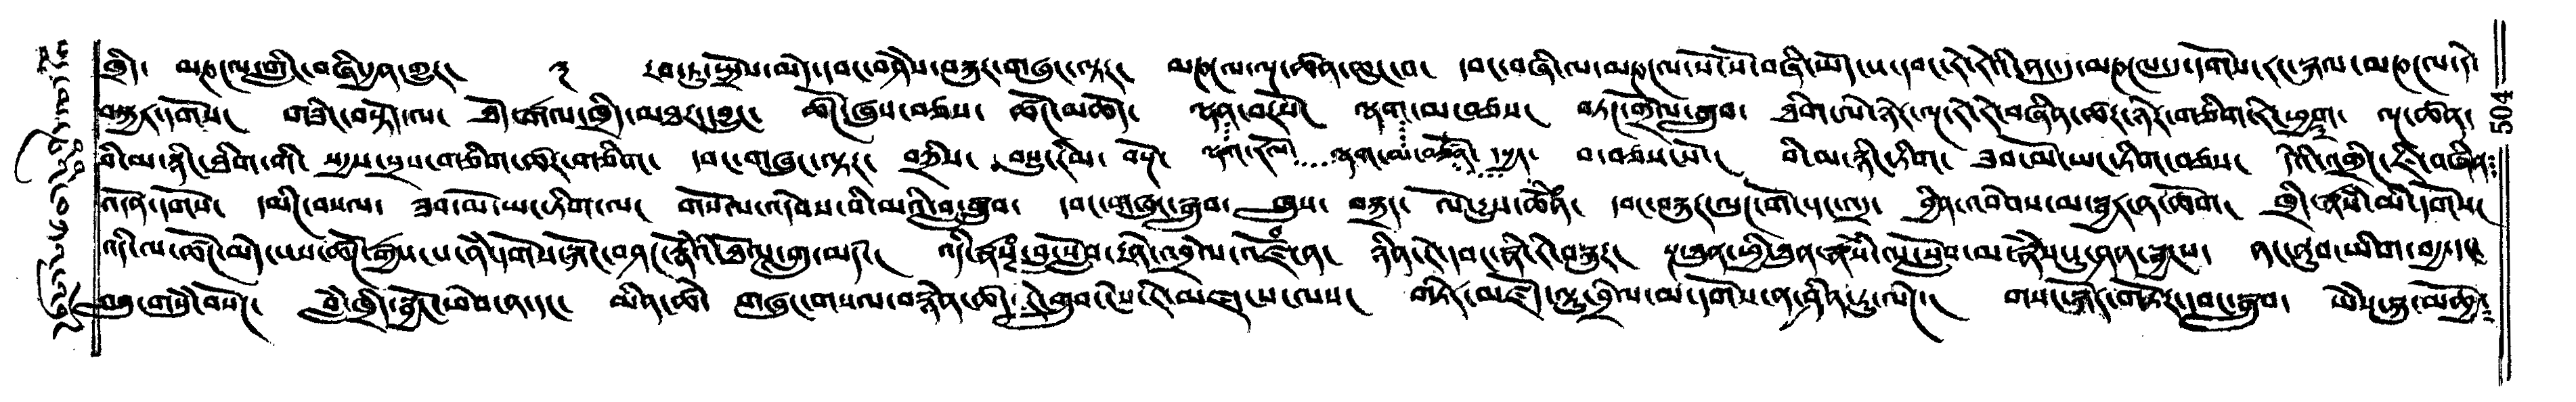ཁྲིད། མཎྜལ་གླིང་བཞི་རྒྱན་གྱུར། རབ་ཏུ་སྤྲོས་མེད་དབང་བཤམས་བསྐུར་གཞུང་ལྟར། མཎྜལ་ལྔ་ཚན་ཆུང་བ། དབང་བཞི་ལ་མཎྜལ་སོ་སོ་བཞི་ཡོད་པ་དབང་རེ་རེའི་ནང་དུ་མཎྜལ་དུ་དགོས། རང་སྐལ་མཎྜལ་རེ་
བསྐྱར་དགོས། གཟེངས་བསྟོད་ལ། ཐོད་རྒལ་ཁྲིད་མཐར་དབྱུང་། ཚོགས་ཞུས་བཅས། ཚོགས་མཆོད། ལྷག་རོལ། ལྷག་མ་བཅས། བཏགས་གྲོལ་སྒྲུབ། ཐིག་ལེ་ཉེར་ལྔ་རེ་རེ་བཞིན་ཚར་ཉེར་གཅིག་རེ་ཕྱག་ལྔ་ཚན། 
བི་མ་སྙིང་ཐིག་གི་ སངས་རྒྱས་སྲས་གཅིག་ཚར་གཅིག དབང་གཞུང་ལྟར། བཀྲ་ཤིས། བསྡུ་རིམ། བསྔོ་བ་བཅས་སོ།། ༈ བི་མ་སྙིང་ཏིག་དང་ཟབ་མོ་ཡང་ཏིག་བཅས་དེའི་འགྲིགས་ཇི་བཞིན་
འདོན་དགོས། དམིགས་གསལ་ཟབ་མོ་ཡང་ཏིག་ལ།གསོལ་འདེབས་བཱི་མའི་བླ་སྒྲུབ། དབང་གཞུང་སྒྲུབ། ཁྲུས། བསྐྲད། ལོ་རྒྱུས་ཆེན་མོ། དབང་བསྐུར་ལུགས་གོང་དང་འདྲ། བྱིན་འབེབས་མ་སྦྱར་ན་ཆོག ཁྲིད་རྣམས་མི་དགོས། 
འདི་ལ་ཚོགས་མེད་པས་ཚོགས་རྒྱས་པ་ནམ་དགོས་སྐོང་བཤགས་རྡོ་རྗེའི་ཐོལ་གླུ་མཛད། འདི་རྣམས་བླ་སློབ་རྟེན་འབྲེལ་འཛོམས་ན། ཉིན་རེ་དབང་སྣེ་རེ་བསྐུར། སྔ་ཐུན་ཕྱི་ཐུན་རྣམས་ལ་སློབ་མ་རྣམས་རུ་ཤན་སྦྱངས། ནང་ནུབ་ཡིག་བརྒྱ་དང་། 
འབྲུ་གསུམ་བསག བླ་མ་ཁྲིད་སྦྱོང་ལ་ཕེབས་ན་དང་། མིན་ཚེ། གཞུང་གསལ་བསྙེན་ཚད་རེ་འགྲུབ་ངེས་མཛད་པ་ལས། གཏེར་མཛོད་ལྟ་བུ་སྦྲེལ་མ་དགོས་ན་ཤིན་ཏུ་ལེགས། གསང་སྐོར་གཏོར་དབང་སྒྲུབ། ཡེ་ཤེས་སྐུ་མཆོག༴